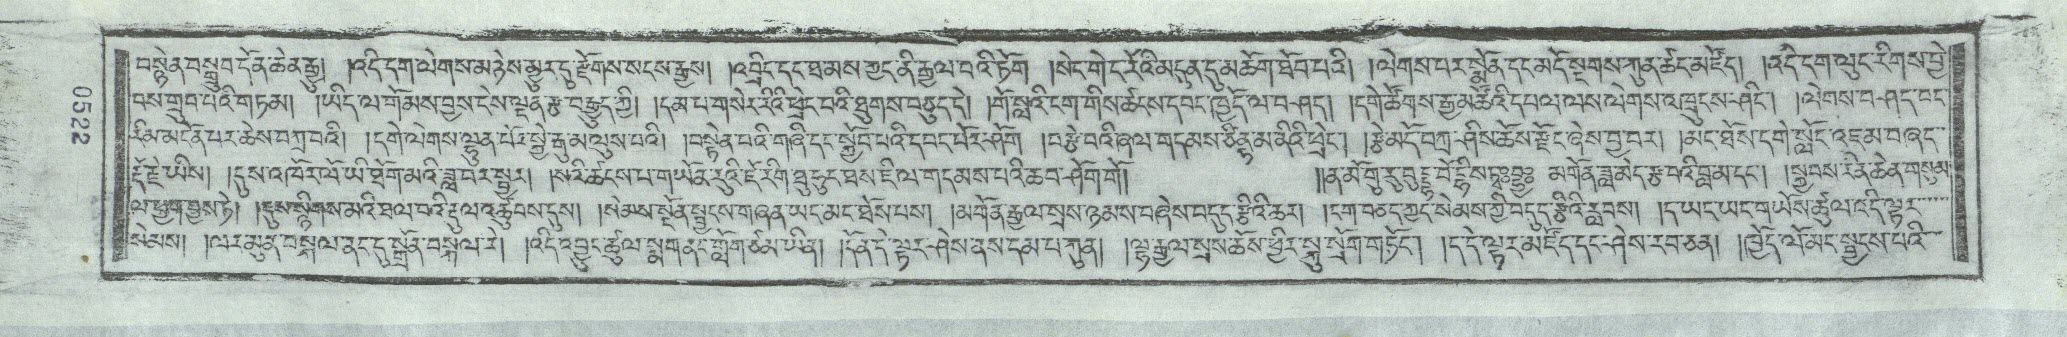བསྙེན་བསྒྲུབ་དོན་ཆེན་རྒྱུ། །འདི་དག་ལེགས་མཉེས་མྱུར་དུ་རྫོགས་སངས་རྒྱས། །འབྲིང་དང་ཐ་མས་ཀྱང་ནི་རྒྱལ་བའི་ཏོག །སེང་གེ་ང་རོའི་མདུན་དུ་མཆོག་ཐོབ་པའི། །ལེགས་པར་སྨོན་དང་མདོ་སྔགས་ཀུན་ཚད་མཛོད། །འདི་དག་ལུང་རིགས་བྱེ་
བས་གྲུབ་པའི་གཏམ། །ཡིད་ལ་གོམས་བྱས་དེས་ལྡན་རྩ་བརྒྱུད་ཀྱི། །དམ་པ་གསེར་རིའི་ཕྲེང་བའི་ཐུགས་བཅུད་དེ། །གོ་སླའི་ངག་གིས་ཚངས་དབང་ཁྱོད་ལ་བཤད། །དགེ་ཚོགས་རྒྱ་མཚོའི་དཔལ་ལས་ལེགས་འཁྲུངས་ཤིང་། །ལེགས་བཤད་བང་
རིམ་མངོན་པར་ཆེས་བཀྲ་བའི། །དགེ་ལེགས་ལྷུན་པོར་སྐྱེ་རྒུ་མ་ལུས་པའི། །བསྟེན་པའི་གཞི་དང་སྐྱོབ་པའི་དབང་པོར་ཤོག །བརྩེ་བའི་ཞལ་གདམས་ཙིནྟ་མ་ནིའི་ཕྲེང་། །རྩེ་མོད་བཀྲ་ཤིས་ཆོས་རྫོང་ཞེས་བྱ་བར། །མང་ཐོས་དགེ་སློང་འཇམ་བཞད་
རྡོ་རྗེ་ཡིས། །དུས་འཁོར་ལོ་ཡི་ཐོག་མའི་ཟླ་བར་སྦྱར། །སའི་ཚངས་པ་གཡོན་རུའི་ཇོ་རིག་ཐུ་ཧུང་ཐས་ཇི་ལ་གདམས་པའི་ཆབ་ཤོག་གོ། །།ན་མོ་གུ་རུ་བུདྡྷ་བོ་དྷི་སཏྭཿ བྷྱཿ མགོན་ཟླ་མེད་རྩ་བའི་བླ་མ་དང་། །སྐྱབས་རིན་ཆེན་གསུམ་
ལ་ཕྱག་བྱས་ཏེ། །དུས་སྙིགས་མའི་ཐལ་བའི་རྡུལ་འཚུབས་དུས། །སེམས་སྔོན་སྦྱངས་གཞན་ཡང་མང་ཐོས་པས། །མགོན་རྒྱལ་སྲས་ཉམས་བཞེས་བདུད་རྩིའི་ཆར། །ངག་བཅད་ཀྱང་སེམས་ཀྱི་བདུད་རྩིའི་རླབས། །ད་ཡང་ཡང་གཡོས་ཚུལ་འདི་ལྟར་
སེམས། །ལར་མུན་བསྐལ་ནང་དུ་སྒྲོན་བསྐལ་རེ། །འདི་འབྱུང་ཚུལ་སྨག་ནང་གློག་ཙམ་ཡིན། །དོན་དེ་ལྟར་ཤེས་ནས་དམ་པ་ཀུན། །ལྷ་རྒྱལ་སྲས་ཆོས་ཕྱིར་སྐུ་སྲོག་གཏོང་། །ད་དེ་ལྟར་མཛོད་དང་ཤེས་རབ་ཅན། །ཁྱོད་ལོ་མང་སྦྱངས་པའི་